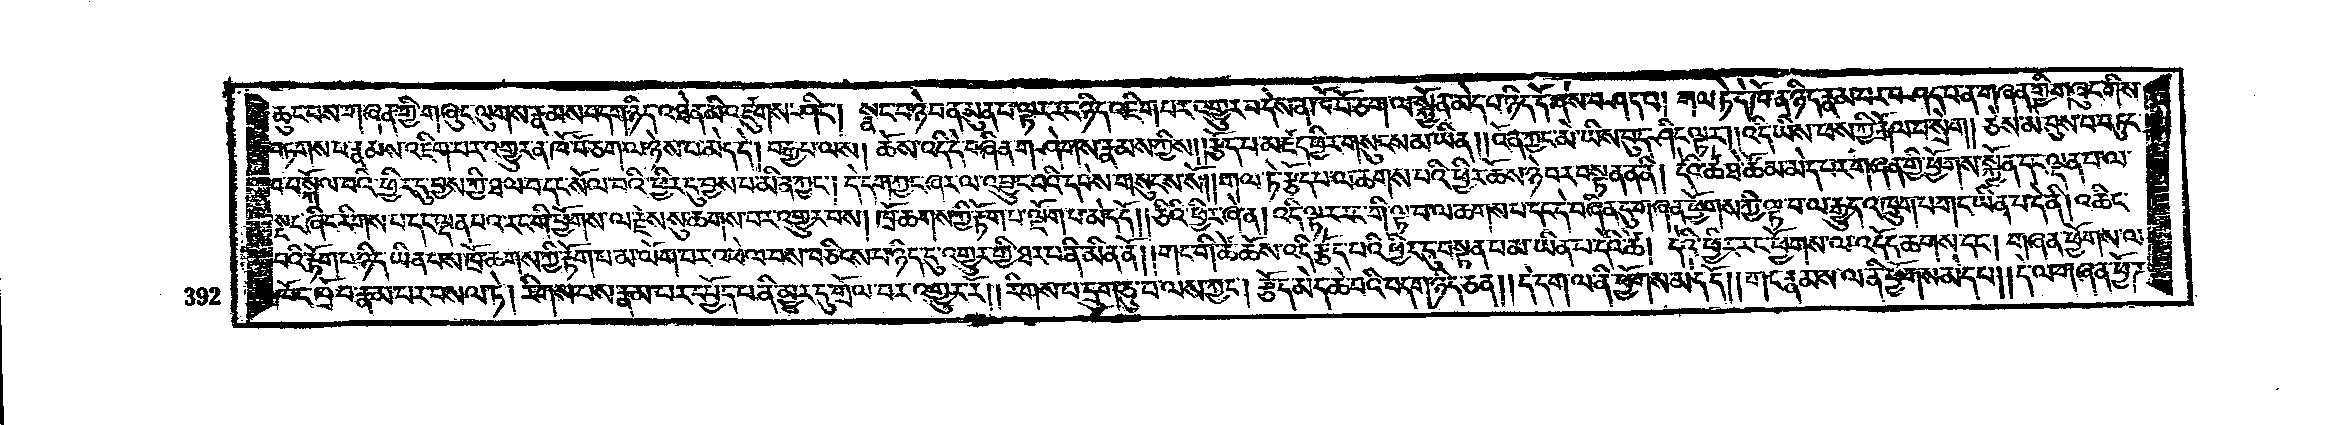ཆུང་བས་གཞན་གྱི་གཞུང་ལུགས་རྣམས་བདག་ཉིད་འཐེན་མི་འཛུགས་ཤིང་། སྣང་བ་ཉེ་བ་ན་མུན་པ་ལྟར་རང་ཉིད་འཇིག་པར་འགྱུར་བ་དེས་ན་ཁོ་བོ་ཅག་ལ་སྐྱོན་མེད་པ་ཉིད་དོ་ཞེས་བཤད་པ། གལ་ཏེ་དེ་ཁོ་ན་ཉིད་རྣམ་པར་བཤད་པ་ན་གཞན་གྱི་གཞུང་གིས་
བཏགས་པ་རྣམས་འཇིག་པར་འགྱུར་ན་ཁོ་བོ་ཅག་ལ་ཉེས་པ་མེད་དེ། བརྒྱ་བ་ལས། ཆོས་འདི་དེ་བཞིན་གཤེགས་རྣམས་ཀྱིས། །རྩོད་པ་མཛད་ཕྱིར་གསུངས་མ་ཡིན། །འོན་ཀྱང་མེ་ཡིས་བུད་ཤིང་ལྟར། །འདི་ཡིས་ཕས་ཀྱི་རྒོལ་བ་སྲེག །ཅེས་མེ་བུས་པ་བཏུང་
བ་བསྐོལ་བའི་ཕྱིར་དུ་བྱས་ཀྱི་ཐལ་བ་དང་སོལ་བའི་ཕྱིར་དུ་བྱས་པ་མིན་ཀྱང་། དེ་དག་ཀྱང་ཞར་ལ་འབྱུང་བའི་དཔེས་གསུངས་སོ། །གལ་ཏེ་རྩོད་པ་ལ་ཆགས་པའི་ཕྱིར་ཆོས་ཉེ་བར་བསྟན་ན་ནི། དེའི་ཚེ་ཐེ་ཚོམ་མེད་པར་གཞན་གྱི་ཕྱོགས་སྐྱོན་དང་ལྡན་པ་ལ་
སྡང་ཞིང་རིགས་པ་དང་ལྡན་པའི་རང་གི་ཕྱོགས་ལ་རྗེས་སུ་ཆགས་པར་འགྱུར་བས། ཁྲོ་ཆགས་ཀྱི་རྟོག་པ་ལྡོག་པ་མེད་དོ། །ཅིའི་ཕྱིར་ཞེ་ན། འདི་ལྟར་རང་གི་ལྟ་བ་ལ་ཆགས་པ་དང་དེ་བཞིན་དུ་གཞན་ཕྱོགས་ཀྱི་ལྟ་བ་ལ་རྒྱུད་འཁྲུག་པ་གང་ཡིན་པ་དེ་ནི། འཆིང་
བའི་རྟོག་པ་ཉིད་ཡིན་པས་ཁྲོ་ཆགས་ཀྱི་རྟོག་པ་མ་ལོག་པར་འཕེལ་བས་བཅིངས་པ་ཉིད་དུ་འགྱུར་གྱི་ཐར་པ་ནི་མིན་ནོ། །གང་གི་ཚེ་ཆོས་འདི་རྩོད་པའི་ཕྱིར་དུ་བསྟན་པ་མ་ཡིན་པ་དེའི་ཚེ། དེའི་ཕྱིར་རང་ཕྱོགས་ལ་འདོད་ཆགས་དང་། གཞན་ཕྱོགས་ལ་
ཁོང་ཁྲོ་བ་རྣམ་པར་བསལ་ཏེ། རིགས་པས་རྣམ་པར་དཔྱོད་པ་ནི་མྱུར་དུ་གྲོལ་བར་འགྱུར་རོ། །རིགས་པ་དྲུག་ཅུ་པ་ལས་ཀྱང་། རྩོད་མེད་ཆེ་བའི་བདག་ཉིད་ཅན། །དེ་དག་ལ་ནི་ཕྱོགས་མེད་དོ། །གང་རྣམས་ལ་ནི་ཕྱོགས་མེད་པ། །དེ་ལ་གཞན་ཕྱོགས་